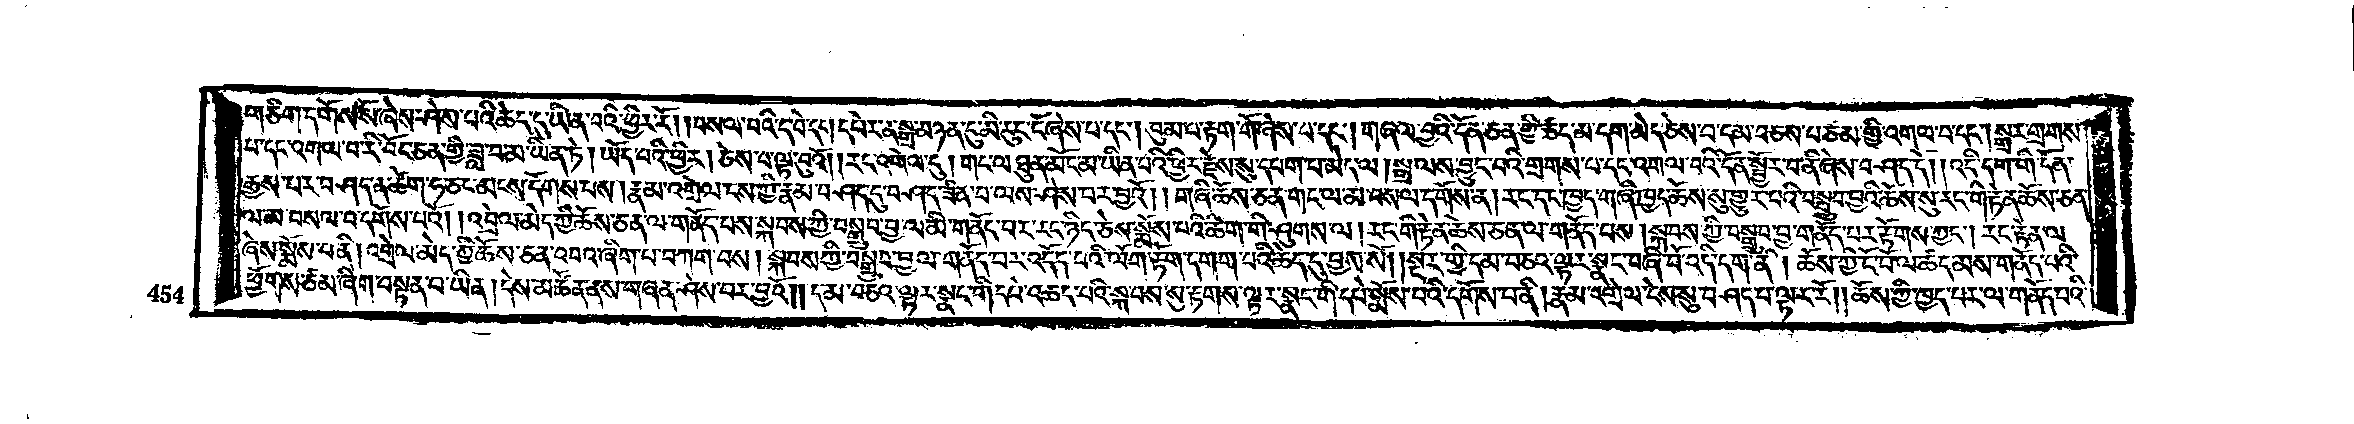གཅིག་དགོས་སོ་ཞེས་ཤེས་པའི་ཆེད་དུ་ཡིན་པའི་ཕྱིར་རོ། །བསལ་བའི་དཔེ་དང་། དཔེར་ན་སྒྲ་མཉན་དུ་མི་རུང་ངོ་ཞེས་པ་དག། བུམ་པ་རྟག་གོ་ཞེས་པ་དག། གཞལ་བྱའི་དོན་ཅན་གྱི་ཚད་མ་དག་མེད་ཅེས་པ་དམ་བཅས་པ་ཙམ་གྱི་འགལ་བ་དང་། སྒྲ་གྲགས་
པ་དང་འགལ་བ་རི་བོང་ཅན་གྱི་ཟླ་བ་མ་ཡིན་ཏེ། ཡོད་པའི་ཕྱིར། ཅེས་པ་ལྟ་བུའོ། །རང་འགེལ་དུ། གང་ལ་ཐུན་མོང་མ་ཡིན་པའི་ཕྱིར་རྗེས་སུ་དཔག་པ་མེད་ལ། སྒྲ་ལས་བྱུང་བའི་གྲགས་པ་དང་འགལ་བའི་དོན་སྦྱོར་བ་ནི་ཞེས་བཤད་དོ། །འདི་དག་གི་དོན་
རྒྱས་པར་བཤད་ན་ཚིག་ཧ་ཅང་མངས་དོགས་པས། རྣམ་འགྲེལ་ངས་ཀྱི་རྣམ་བཤད་དུ་བཤད་ཟིན་པ་ལས་ཤེས་པར་བྱའོ། །གཞི་ཆོས་ཅན་གང་ལ་མ་བསལ་དགོས་ན། རང་དང་ཁྱད་གཞི་ཁྱད་ཆོས་སུ་གྱུར་པའི་བསྒྲུབ་བྱའི་ཆོས་སུ་རང་གི་རྟེན་ཆོས་ཅན་
ལ་མ་བསལ་བ་དགོས་པའོ། །འབྲེལ་མེད་ཀྱི་ཆོས་ཅན་ལ་གནོད་པས་སྐབས་ཀྱི་བསྒྲུབ་བྱ་ལ་མི་གནོད་བར་རང་ཉིད་ཅེས་སྨོས་པའི་ཚིག་གི་ཤུགས་ལ། རང་གི་རྟེན་ཆེས་ཅན་ལ་གནོད་པས། སྐབས་ཀྱི་བསྒྲུབ་བྱ་གནོད་པར་རྟོགས་ཀྱང་། རང་རྟེན་ལ་
ཞེས་སྨོས་པ་ནི། འགྲེལ་མེད་ཀྱི་ཆོས་ཅན་འབའ་ཞིག་པ་བཀག་པས། སྐབས་ཀྱི་བསྒྲུབ་བྱ་ལ་གནོད་པར་འདོད་པའི་ལོག་རྟོག་དགག་པའི་ཆེད་དུ་བྱས་སོ། །སྔར་གྱི་དམ་བཅའ་ལྟར་སྣང་བཞི་བོ་འདི་དག་ནི། ཆོས་ཀྱི་ངོ་བོ་ལ་ཚད་མས་གནོད་པའི་
ཕྱོགས་ཙམ་ཞིག་བསྟན་པ་ཡིན། དེས་མཚོན་ནས་གཞན་ཤེས་པར་བྱའོ། །དམ་བཅའ་ལྟར་སྣང་གི་དེའི་འཆད་པའི་སྐབས་སུ་རྟགས་ལྟར་སྣང་གི་དཔེ་སྨོས་པའི་དགོས་པ་ནི། རྣམ་འགྲེལ་ངེས་སུ་བཤད་པ་ལྟར་རོ། །ཆོས་ཀྱི་ཁྱད་པར་ལ་གནོད་པའི་